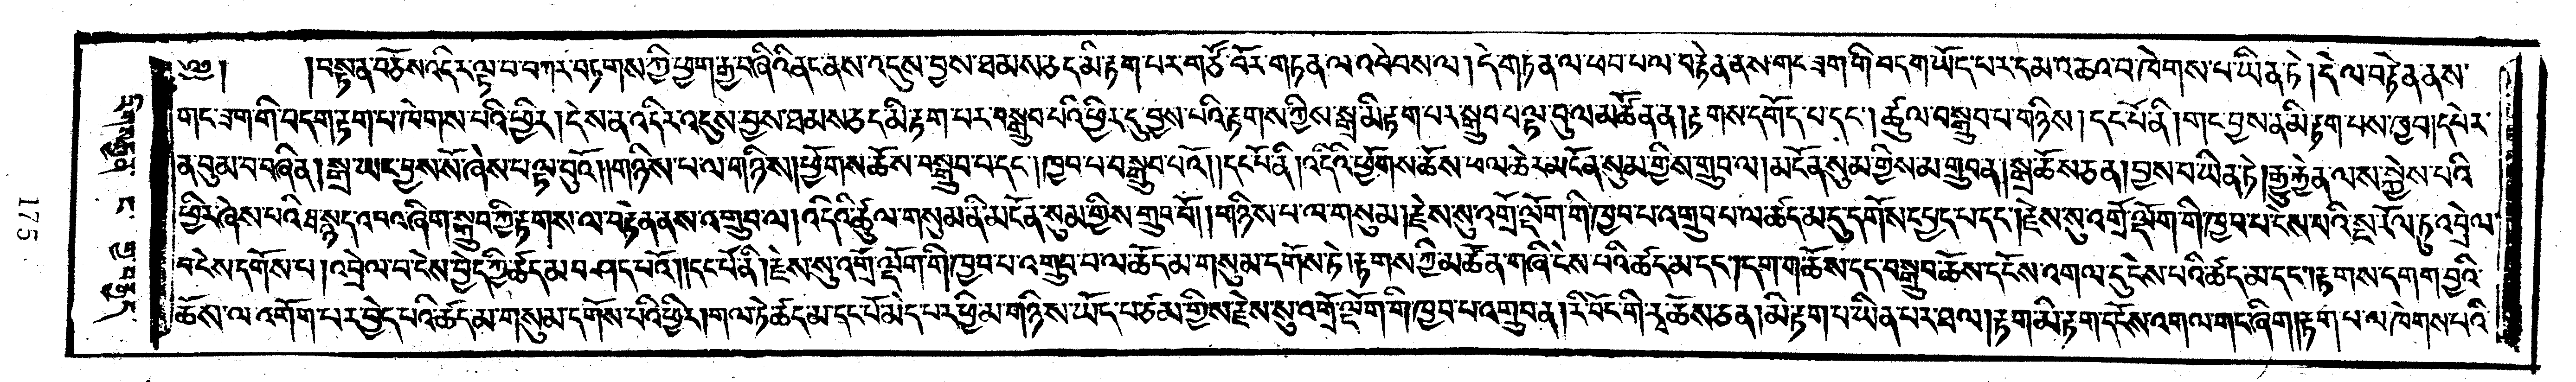༄༅། །བསྟན་བཅོས་འདིར་ལྟ་བ་བཀར་བཏགས་ཀྱི་ཕྱག་རྒྱ་བཞིའི་ནང་ནས་འདུས་བྱས་ཐམས་ཅད་མི་རྟག་པར་གཙོ་བོར་གཏན་ལ་འབེབས་ལ། དེ་གཏན་ལ་ཕབ་པ་ལ་བརྟེན་ནས་གང་ཟག་གི་བདག་ཡོད་པར་དམ་འཆའ་བ་ཁེགས་པ་ཡིན་ཏེ། དེ་ལ་བརྟེན་ནས་
གང་ཟག་གི་བདག་རྟག་པ་ཁེགས་པའི་ཕྱིར། དེས་ན་འདིར་འདུས་བྱས་ཐམས་ཅད་མི་རྟག་པར་བསྒྲུབ་པའི་ཕྱིར་དུ་བྱས་པའི་རྟགས་ཀྱིས་སྒྲ་མི་རྟག་པར་སྒྲུབ་པ་ལྟ་བུ་ལ་མཚོན་ན། རྟགས་དགོད་པ་དང་། ཚུལ་བསྒྲུབ་པ་གཉིས། དང་པོ་ནི། གང་བྱས་ན་མི་རྟག་པས་ཁྱབ། དཔེར་
ན་བུམ་པ་བཞིན། སྒྲ་ཡང་བྱས་སོ་ཞེས་པ་ལྟ་བུའོ། །གཉིས་པ་ལ་གཉིས། ཕྱོགས་ཆོས་བསྒྲུབ་པ་དང་། ཁྱབ་པ་བསྒྲུབ་པའོ། །དང་པོ་ནི། འདིའི་ཕྱོགས་ཆོས་ཕལ་ཆེར་མངོན་སུམ་གྱིས་གྲུབ་ལ། མངོན་སུམ་གྱིས་མ་གྲུབ་ན། སྒྲ་ཆོས་ཅན། བྱས་པ་ཡིན་ཏེ། རྒྱུ་རྐྱེན་ལས་སྐྱེས་པའི་
ཕྱིར་ཞེས་པའི་ཐ་སྙད་འབའ་ཞིག་སྒྲུབ་ཀྱི་རྟགས་ལ་བརྟེན་ནས་འགྲུབ་ལ། འདིའི་ཚུལ་གསུམ་ནི་མངོན་སུམ་གྱིས་གྲུབ་བོ། །གཉིས་པ་ལ་གསུམ། རྗེས་སུ་འགྲོ་ལྡོག་གི་ཁྱབ་པ་འགྲུབ་པ་ལ་ཚད་མ་དུ་དགོས་དཔྱད་པ་དང་། རྗེས་སུ་འགྲོ་ལྡོག་གི་ཁྱབ་པ་ངེས་པའི་སྔ་རོལ་ཏུ་འབྲེལ་
བ་ངེས་དགོས་པ། འབྲེལ་བ་ངེས་བྱེད་ཀྱི་ཚད་མ་བཤད་བའོ། །དང་པོ་ནི། རྗེས་སུ་འགྲོ་ལྡོག་གི་ཁྱབ་པ་འགྲུབ་པ་ལ་ཚད་མ་གསུམ་དགོས་ཏེ། རྟགས་ཀྱི་མཚན་གཞི་ངེས་པའི་ཚད་མ་དང་། དགག་ཆོས་དང་བསྒྲུབ་ཆོས་དངོས་འགལ་དུ་ངེས་པའི་ཚད་མ་དང་། རྟགས་དགག་བྱའི་
ཆོས་ལ་འགོག་པར་བྱེད་པའི་ཚད་མ་གསུམ་དགོས་པའི་ཕྱིར། གལ་ཏེ་ཚད་མ་དང་པོ་མེད་པར་ཕྱི་མ་གཉིས་ཡོད་པ་ཙམ་གྱིས་རྗེས་སུ་འགྲོ་ལྡོག་གི་ཁྱབ་པ་འགྲུབ་ན། རི་བོང་གི་རྭ་ཆོས་ཅན། མི་རྟག་པ་ཡིན་པར་ཐལ། རྟག་མི་རྟག་དངོས་འགལ་གང་ཞིག། རྟག་པ་ལ་ཁེགས་པའི་